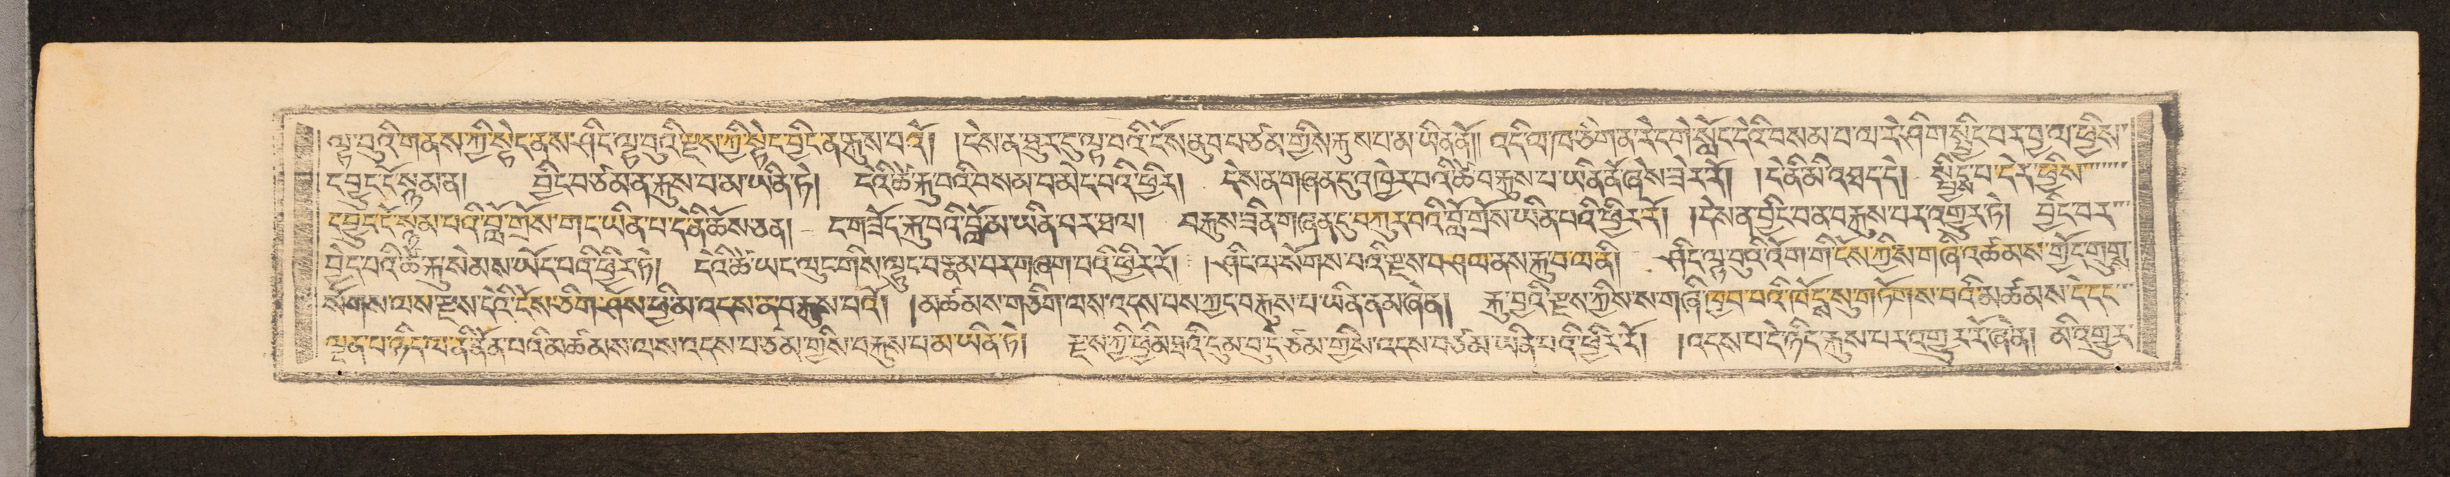ལྟ་བུའི་གནས་ཀྱི་སྟེང་ནས་ཤིང་ལྟ་བུའི་རྫས་ཀྱི་སྟེང་བྱིང་ན་རྐུས་པའོ། །དེས་ན་ཐུར་དུ་ལྟ་བའི་ངོས་ནུབ་པ་ཙམ་གྱིས་རྐུས་པ་མ་ཡིན་ནོ།། འདི་ལ་ཁ་ཅིག་ན་རེ་དགེ་སློང་དེའི་བསམ་པ་ལ་རེ་ཤིག་སྤྱིང་བར་བྱ་ལ་ཕྱིས་
དབྱུང་ངོ་སྙམ་ན། བྱིང་བ་ཙམ་ན་རྐུས་པ་མ་ཡིན་ཏེ། དེའི་ཚེ་རྐུ་བའི་བསམ་པ་མེད་པའི་ཕྱིར། དེས་ན་གཞན་དུ་འཁྱེར་བའི་ཚེ་བརྐུས་པ་ཡིན་ནོ་ཞེས་ཟེར་རོ། །དེ་ནི་མི་འཐད་དེ། སྤྱིངས་པ་དེར་ཕྱིས་
དབྱུང་ངོ་སྙམ་པའི་བློ་གྲོས་གང་ཡིན་པ་དེ་ནི་ཆོས་ཅན། ད་གཟོད་རྐུ་བའི་བློ་མ་ཡིན་པར་ཐལ། བརྐུས་ཟིན་གཞན་དུ་བཀུར་བའི་བློ་གྲོས་ཡིན་པའི་ཕྱིར་རོ། །དེས་ན་བྱིང་བ་ན་བརྐུས་པར་འགྱུར་ཏེ། བྱིང་བར་
བྱེད་པའི་ཚེ་རྐུ་སེམས་ཡོད་པའི་ཕྱིར་ཏེ། དེའི་ཚེ་ཡང་ལུང་གིས་ལྟུང་བ་རྣམ་པར་གཞག་པའི་ཕྱིར་རོ། །ཤིང་ལ་སོགས་པའི་རྫས་བཤལ་ནས་རྐུ་བ་ལ་ནི། ཤིང་ལྟ་བུའི་འོག་གི་ངོས་ཀྱིས་གཞི་འཚམས་གྱོང་གྲུགས་
སོགས་ལས་རྫས་དེའི་ངོས་ཅིག་ཤོས་ཕྱི་མ་འདས་ན་བརྐུས་པའོ། །མཚམས་གཅིག་ལས་འདས་པས་ཀྱང་བརྐུས་པ་ཡིན་ནམ་ཞེ་ན། རྐུ་བྱའི་རྫས་ཀྱིས་ས་གཞི་ཁྱབ་པའི་ཁོངས་སུ་གཏོགས་པའི་མཚམས་དེ་དང་
ལྡན་པ་ཉིད་ལ་ནི་ནོན་པའི་མཚམས་ལས་འདས་པ་ཙམ་གྱིས་བརྐུས་པ་མ་ཡིན་ཏེ། རྫས་ཀྱི་ཕྱི་མཐའི་དུམ་བུ་དེ་ཙམ་གྱིས་འདས་པ་ཙམ་ཡིན་པའི་ཕྱིར་རོ། །འདས་པ་དེ་ཉིད་རྐུས་པར་འགྱུར་རོ་ཞེ་ན། མི་འགྱུར་